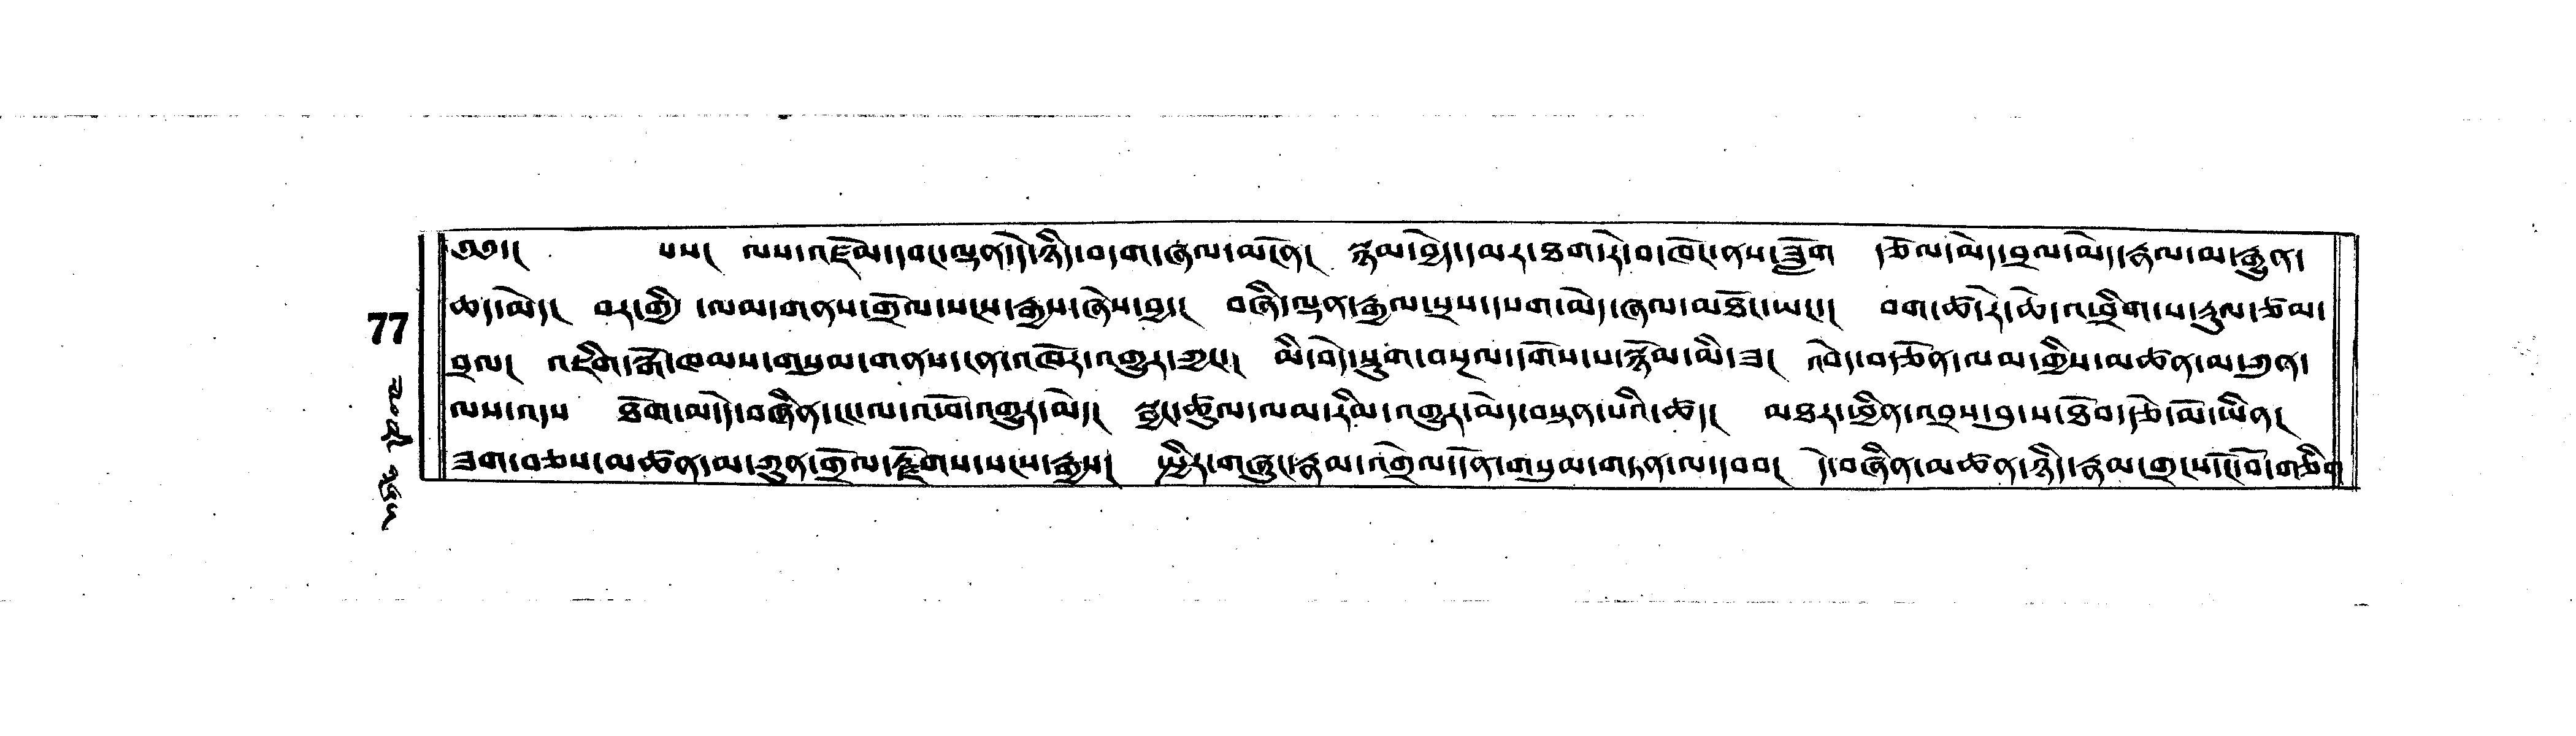པས། ལས་འཛོམ་དབང་བྱས་དེ་ཉིད་བདག་ཞལ་མངོན། སྙམ་བྱེད་དམར་ཐག་རེ་བ་ཁོང་ནས་ཟློག རྩོལ་མེད་བྲལ་མེད་རྣལ་མ་རྒྱུན་
ཆད་མེད། བར་གྱི་ལམ་གནས་གྲོལ་སངས་རྒྱས་ཞེས་བྱ། བཞི་ལྡན་རྒྱལ་སྲས་དཔག་མེད་ཞལ་མཐོང་ཡང་། བག་ཚ་རེ་ཆེ་འཕྲིག་པ་རྡུལ་ཙམ་
བྲལ། འཇིག་སྒོ་ཁམས་གསུམ་གནས་ངན་འཁོར་འགྱུར་ཀྱང་། མི་བདེ་སྡུག་བསྔལ་དགོས་པ་སྙོམ་མི་ཟ། འབད་བརྩོན་ལམ་གྱིས་མཚན་མ་ཀུན་
ལས་འདས། ཐོག་མ་དེ་བཞིན་ངང་ལ་འཕོ་འགྱུར་མེད། སྦྱང་ཚུལ་ལམ་རིམ་འགྱུར་མེད་བསྟན་པའི་ཚད། མཐར་ཕྱིན་འབྲས་བུ་ས་ཐོབ་རྩེ་མོ་ཡིན། 
ཟག་བཅས་མཚན་མ་ཀུན་གྲོལ་རྫོགས་སངས་རྒྱས། སྤྱིར་གཞུང་རྣམ་འགྲེལ་དོན་གསུམ་གཏན་ལ་དབབ། དེ་བཞིན་མཚན་ཉིད་རྣམ་གྲངས་ངོ་བོ་གཅིག